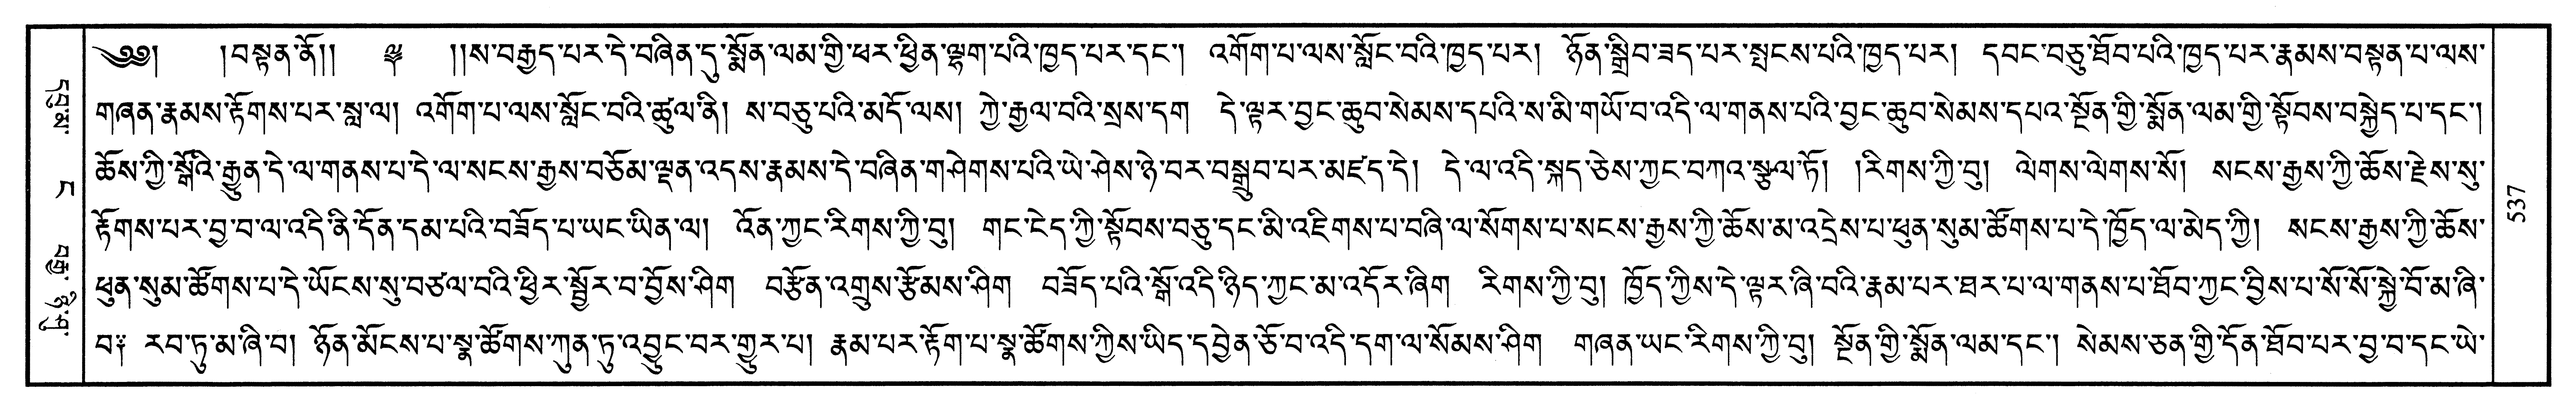༄༅། །བསྟན་ནོ།། ༈ །།ས་བརྒྱད་པར་དེ་བཞིན་དུ་སྨོན་ལམ་གྱི་ཕར་ཕྱིན་ལྷག་པའི་ཁྱད་པར་དང་། འགོག་པ་ལས་སློང་བའི་ཁྱད་པར། ཉོན་སྒྲིབ་ཟད་པར་སྤངས་པའི་ཁྱད་པར། དབང་བཅུ་ཐོབ་པའི་ཁྱད་པར་རྣམས་བསྟན་པ་ལས་
གཞན་རྣམས་རྟོགས་པར་སླ་ལ། འགོག་པ་ལས་སློང་བའི་ཚུལ་ནི། ས་བཅུ་པའི་མདོ་ལས། ཀྱེ་རྒྱལ་བའི་སྲས་དག །དེ་ལྟར་བྱང་ཆུབ་སེམས་དཔའི་ས་མི་གཡོ་བ་འདི་ལ་གནས་པའི་བྱང་ཆུབ་སེམས་དཔའ་སྔོན་གྱི་སྨོན་ལམ་གྱི་སྟོབས་བསྐྱེད་པ་དང་།
ཆོས་ཀྱི་སྒོའི་རྒྱུན་དེ་ལ་གནས་པ་དེ་ལ་སངས་རྒྱས་བཅོམ་ལྡན་འདས་རྣམས་དེ་བཞིན་གཤེགས་པའི་ཡེ་ཤེས་ཉེ་བར་བསྒྲུབ་པར་མཛད་དེ། དེ་ལ་འདི་སྐད་ཅེས་ཀྱང་བཀའ་སྩལ་ཏོ། །རིགས་ཀྱི་བུ། ལེགས་ལེགས་སོ། སངས་རྒྱས་ཀྱི་ཆོས་རྗེས་སུ་
རྟོགས་པར་བྱ་བ་ལ་འདི་ནི་དོན་དམ་པའི་བཟོད་པ་ཡང་ཡིན་ལ། འོན་ཀྱང་རིགས་ཀྱི་བུ། གང་ངེད་ཀྱི་སྟོབས་བཅུ་དང་མི་འཇིགས་པ་བཞི་ལ་སོགས་པ་སངས་རྒྱས་ཀྱི་ཆོས་མ་འདྲེས་པ་ཕུན་སུམ་ཚོགས་པ་དེ་ཁྱོད་ལ་མེད་ཀྱི། སངས་རྒྱས་ཀྱི་ཆོས་
ཕུན་སུམ་ཚོགས་པ་དེ་ཡོངས་སུ་བཙལ་བའི་ཕྱིར་སྦྱོར་བ་བྱོས་ཤིག །བརྩོན་འགྲུས་རྩོམས་ཤིག །བཟོད་པའི་སྒོ་འདི་ཉིད་ཀྱང་མ་འདོར་ཞིག །རིགས་ཀྱི་བུ། ཁྱོད་ཀྱིས་དེ་ལྟར་ཞི་བའི་རྣམ་པར་ཐར་པ་ལ་གནས་པ་ཐོབ་ཀྱང་བྱིས་པ་སོ་སོ་སྐྱེ་བོ་མ་ཞི་
བ༑ རབ་ཏུ་མ་ཞི་བ། ཉོན་མོངས་པ་སྣ་ཚོགས་ཀུན་ཏུ་འབྱུང་བར་གྱུར་པ། རྣམ་པར་རྟོག་པ་སྣ་ཚོགས་ཀྱིས་ཡིད་དབྱེན་ཅོ་བ་འདི་དག་ལ་སོམས་ཤིག །གཞན་ཡང་རིགས་ཀྱི་བུ། སྔོན་གྱི་སྨོན་ལམ་དང་། སེམས་ཅན་གྱི་དོན་ཐོབ་པར་བྱ་བ་དང་ཡེ་